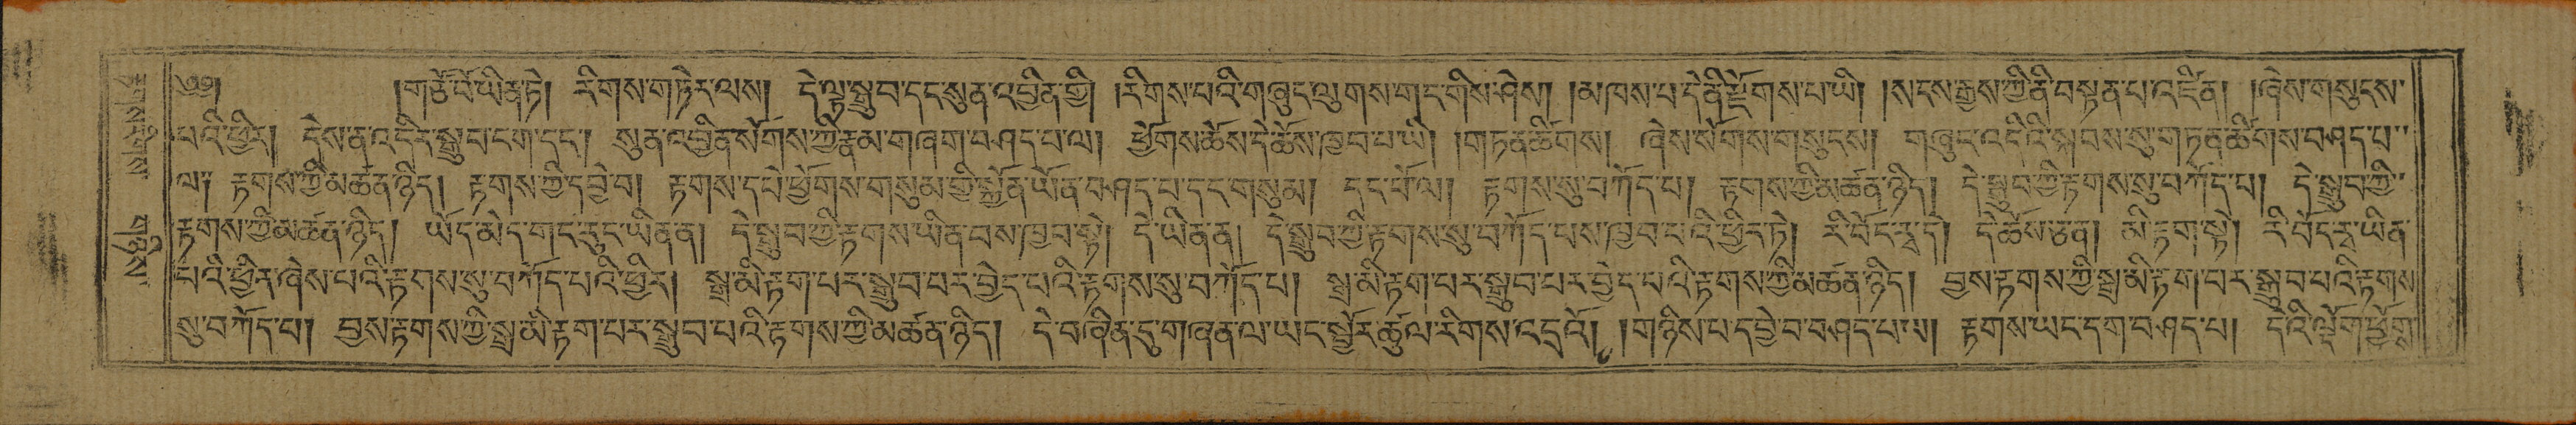༄༅། །གཙོ་བོ་ཡིན་ཏེ། རིགས་གཏེར་ལས། དེ་ལྟ་སྒྲུབ་དང་སུན་འབྱིན་གྱི། །རིགས་པའི་གཞུང་ལུགས་གང་གིས་ཤེས། །མཁས་པ་དེ་ནི་རྫོགས་པ་ཡི། །སངས་རྒྱས་ཀྱི་ནི་བསྟན་པ་འཛིན། །ཞེས་གསུངས་
པའི་ཕྱིར། དེས་ན་འདིར་སྒྲུབ་ངག་དང་། སུན་འབྱིན་སོགས་ཀྱི་རྣམ་གཞག་བཤད་པ་ལ། ཕྱོགས་ཆོས་དེ་ཆོས་ཁྱབ་པ་ཡི། །གཏན་ཚིགས། ཞེས་སོགས་གསུངས། གཞུང་འདིའི་སྐབས་སུ་གཏན་ཚིགས་བཤད་པ་
ལ༑ རྟགས་ཀྱི་མཚན་ཉིད། རྟགས་ཀྱི་དབྱེ་བ། རྟགས་དཔེ་ཕྱོགས་གསུམ་གྱི་སྐྱོན་ཡོན་བཤད་པ་དང་གསུམ། དང་པོ་ལ། རྟགས་སུ་བཀོད་པ། རྟགས་ཀྱི་མཚན་ཉིད། དེ་སྒྲུབ་ཀྱི་རྟགས་སུ་བཀོད་པ། དེ་སྒྲུབ་ཀྱི་
རྟགས་ཀྱི་མཚན་ཉིད། ཡོད་མེད་གང་རུང་ཡིན་ན། དེ་སྒྲུབ་ཀྱི་རྟགས་ཡིན་པས་ཁྱབ་སྟེ། དེ་ཡིན་ན། དེ་སྒྲུབ་ཀྱི་རྟགས་སུ་བཀོད་པས་ཁྱབ་པའི་ཕྱིར་ཏེ། རི་བོང་རྭ་དེ། དེ་ཆོས་ཅན། མི་རྟག་སྟེ། རི་བོང་རྭ་ཡིན་
པའི་ཕྱིར་ཞེས་པའི་རྟགས་སུ་བཀོད་པའི་ཕྱིར། སྒྲ་མི་རྟག་པར་སྒྲུབ་པར་བྱེད་པའི་རྟགས་སུ་བཀོད་པ། སྒྲ་མི་རྟག་པར་སྒྲུབ་པར་བྱེད་པའི་རྟགས་ཀྱི་མཚན་ཉིད། བྱས་རྟགས་ཀྱི་སྒྲ་མི་རྟག་པར་སྒྲུབ་པའི་རྟགས་
སུ་བཀོད་པ། བྱས་རྟགས་ཀྱི་སྒྲ་མི་རྟག་པར་སྒྲུབ་པའི་རྟགས་ཀྱི་མཚན་ཉིད། དེ་བཞིན་དུ་གཞན་ལ་ཡང་སྦྱོར་ཚུལ་རིགས་འདྲའོ། །གཉིས་པ་དབྱེ་བ་བཤད་པ་ལ། རྟགས་ཡང་དག་བཤད་པ། དེའི་ལྡོག་ཕྱོགས་